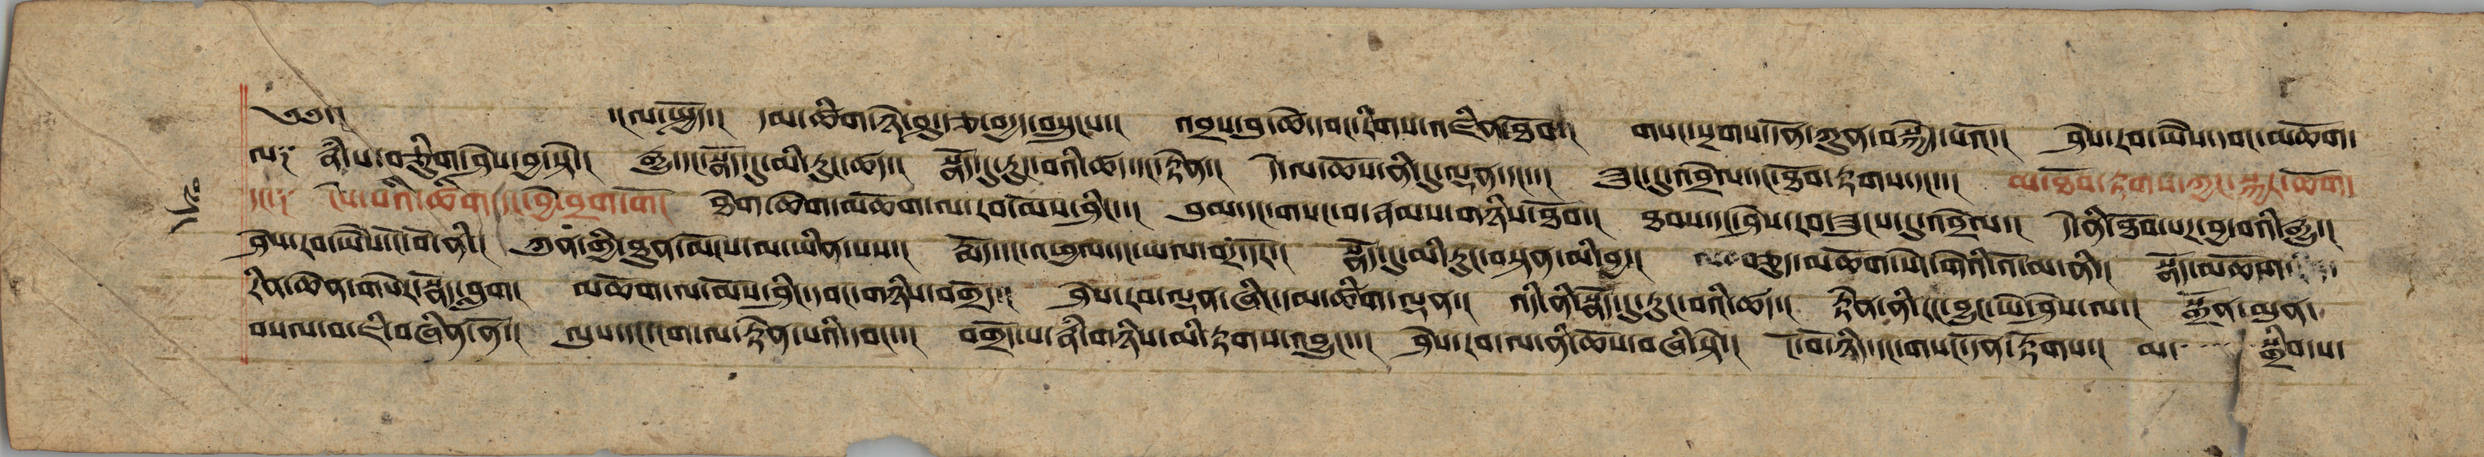༄༅་། ་།ལ་སྤྱོད་། དམ་ཚིག་ཉེ་ཤུ་རྩ་བདྱད་བསྲུངས་། འབྲས་བུ་ཚེ་དབང་རིགས་འཛིན་ཐོབ་། གསང་སྔགས་དོན་ཀུན་བསྐྱེད་པའོ་། ཤེས་རབ་ཡཻས་དག་མཆོག་
ལ༑ རྣཾ་པ་བཅིུག་ཤེས་བྱ་སྟེ་། རྒྱུ་དང་སྣོད་དུ་མི་རུང་ཚད་། སྣོད་དུ་རུང་བའི་ཚད་དང་རྟེན་། དེ་ལ་ཆོས་ནི་དུ་ལྡན་དང་་། ཟུང་དུ་འབྲེལ་དང་ཐོབ་རྟགས་དང་་། ཡེ་ཐོབ་རྟགས་ཀྱང་སྐྱར་ཆོག།
དང༑ ངེས་པའི་ཚིག་དང་བྱེ་བྲག་གོ། ཐེག་ཆེག་མཆོག་ལ་རབ་མོས་ཤིང་་། བུམ་དང་གསང་བ་རྣམས་གཉིས་ཐོབ་། ཐབས་དང་ཤེས་རབ་ཟུངས་དུ་འབྲེལ་། དེ་ནི་ཐོབ་པར་བྱ་བའི་རྒྱུ་།
ཤེས་རབ་ཡཻས་ངོ་བོ་ནི་། ཀུན་གྱི་ཐུན་མོངས་མ་ཡིན་པས་། རྨོད་དང་འཕྲུལ་དང་ཡལ་བར་དོར་། སྣོད་དུ་མི་རུང་བསྟན་མི་བྱ་། བཅུད་མཆོག་སེང་གེའི་འོ་མ་ནི་། སྣོད་མཆོག་
རིན་ཆེན་གསེར་སྣོད་བླུག། མཆོག་ལ་མོས་ཤིང་དབང་གཉིས་བགྲོད་། ཤེས་རབ་ལྡན་ཞིང་དམ་ཚིག་ལྡན་། འདི་ནི་སྣོད་དུ་རུང་བའི་ཚད་། རྟེན་ནི་རང་བྱུང་ཡེ་ཤེས་ལ་། སྒྲོན་མུན་
གསལ་བ་ཇི་བཞིན་ནོ་། ལུས་དང་ངག་ལ་རྟེན་པའི་དབང་་། བགྲོད་པ་རྣཾ་གཉིས་མི་རྟགས་འབྱུང་་། ཤེས་རབ་ལ་ནི་ཆོས་བཞི་སྟེ་། ངོ་བོ་ཉིད་དང་གསང་དོན་རྟོགས་། མ་ སྒྲིབ་པ་